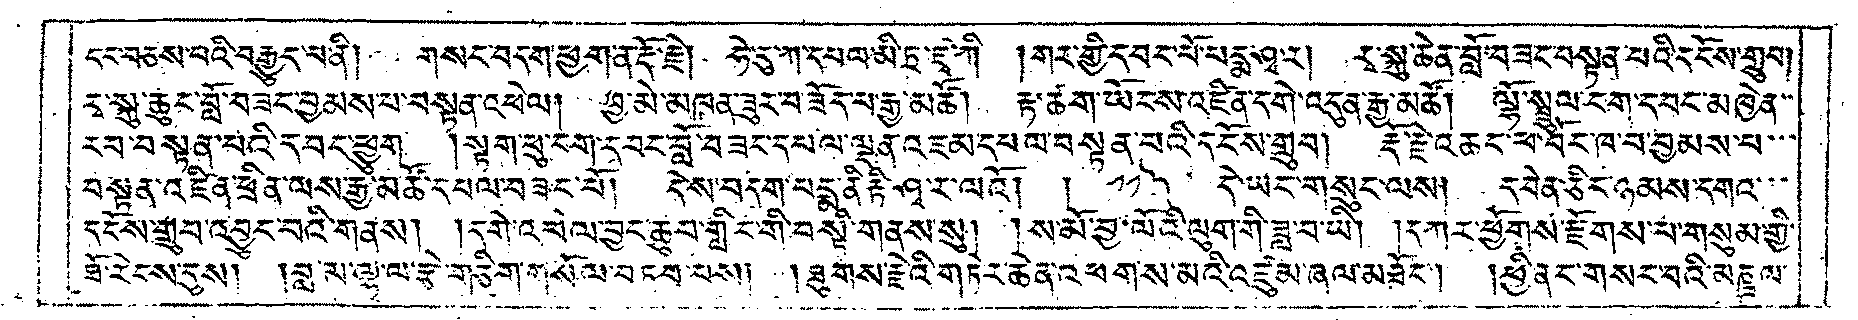དང་བཅས་པའི་བརྒྱུད་པ་ནི། གསང་བདག་ཕྱག་ན་རྡོ་རྗེ། ཧེ་རུ་ཀ་དཔལ་མི་ཏྲ་ཛྭ་ཀི །གར་གྱི་དབང་པོ་པདམ་ཤྭ་ར། རྭ་སྐུ་ཆེན་བློ་བཟང་བསྟན་པའི་དངོས་གྲུབ།
རྭ་སྐུ་ཆུང་བློ་བཟང་བྱམས་པ་བསྟན་འཕེལ། བྱ་མེ་མཁན་ཟུར་བཟོད་པ་རྒྱ་མཚོ། རྟ་ཚག་ཡོངས་འཛིན་དགེ་འདུན་རྒྱ་མཚོ། ལྷོ་སྤྲུལ་ངག་དབང་མཁྱེན་
རབ་བསྟན་པའི་དབང་ཕྱུག །སྟག་ཕུ་ངག་དབང་བློ་བཟང་དཔལ་ལྡན་འཇམ་དཔལ་བསྟན་པའི་དངོས་གྲུབ། རྡོ་རྗེ་འཆང་ཕ་བོང་ཁ་པ་བྱམས་པ་
བསྟན་འཛིན་ཕྲིན་ལས་རྒྱ་མཚོ་དཔལ་བཟང་པོ། དེས་བདག་པདམ་ནི་རྟི་ཤྭ་ར་ལའོ། །༡༡}་དེ་ཡང་གསུང་ལས། དབེན་ཅིང་ཉམས་དགའ་
དངོས་གྲུབ་འབྱུང་བའི་གནས། །དགེ་འཕེལ་བྱང་ཆུབ་གླིང་གི་བསྟི་གནས་སུ། །ས་མོ་བྱ་ལོའི་ལུག་གི་ཟླ་བ་ཡི། །དཀར་ཕྱོགས་རྫོགས་པ་གསུམ་གྱི་
ཐོ་རེངས་དུས། །བླ་མ་ལྷ་ལ་རྩེ་གཅིག་གསོལ་བཏབ་པས། །ཐུགས་རྗེའི་གཏེར་ཆེན་འཕགས་མའི་འཛུམ་ཞལ་མཐོང་། །ཕྱི་ནང་གསང་བའི་མཎྜལ་